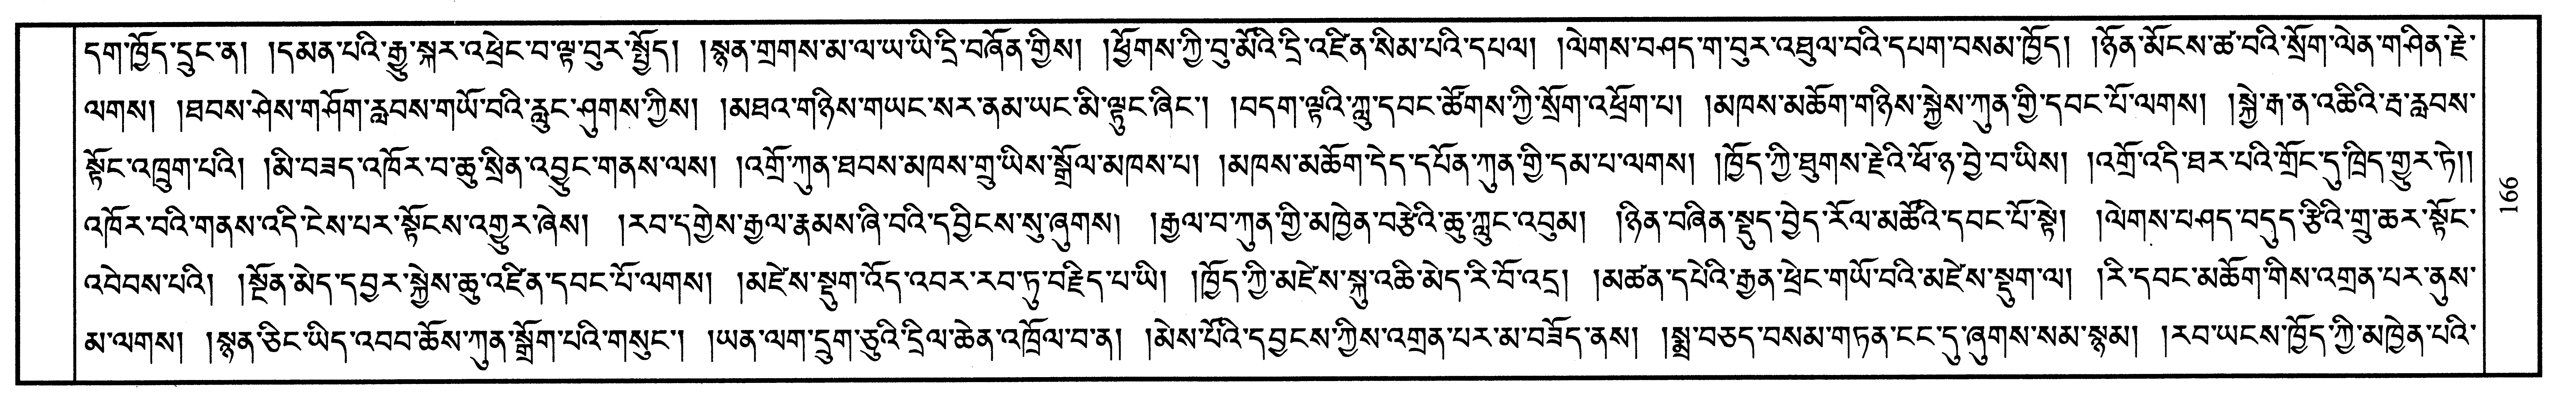དག་ཁྱོད་དྲུང་ན། །དམན་པའི་རྒྱུ་སྐར་འཕྲེང་བ་ལྟ་བུར་སྤྱོད། །སྙན་གྲགས་མ་ལ་ཡ་ཡི་དྲི་བཞོན་གྱིས། །ཕྱོགས་ཀྱི་བུ་མོའི་དྲི་འཛིན་སིམ་པའི་དཔལ། །ལེགས་བཤད་ག་བུར་འཐུལ་བའི་དཔག་བསམ་ཁྱོད། །ཉོན་མོངས་ཚ་བའི་སྲོག་ལེན་གཤིན་རྗེ་
ལགས། །ཐབས་ཤེས་གཤོག་རླབས་གཡོ་བའི་རླུང་ཤུགས་ཀྱིས། །མཐའ་གཉིས་གཡང་སར་ནམ་ཡང་མི་ལྟུང་ཞིང་། །བདག་ལྟའི་ཀླུ་དབང་ཚོགས་ཀྱི་སྲོག་འཕྲོག་པ། །མཁས་མཆོག་གཉིས་སྐྱེས་ཀུན་གྱི་དབང་པོ་ལགས། །སྐྱེ་རྒ་ན་འཆིའི་རྦ་རླབས་
སྟོང་འཁྲུག་པའི། །མི་བཟད་འཁོར་བ་ཆུ་སྲིན་འབྱུང་གནས་ལས། །འགྲོ་ཀུན་ཐབས་མཁས་གྲུ་ཡིས་སྒྲོལ་མཁས་པ། །མཁས་མཆོག་དེད་དཔོན་ཀུན་གྱི་དམ་པ་ལགས། །ཁྱོད་ཀྱི་ཐུགས་རྗེའི་ཕོ་ཉ་བྱེ་བ་ཡིས། །འགྲོ་འདི་ཐར་པའི་གྲོང་དུ་ཁྲིད་གྱུར་ཏེ།།
འཁོར་བའི་གནས་འདི་ངེས་པར་སྟོངས་འགྱུར་ཞེས། །རབ་དགྱེས་རྒྱལ་རྣམས་ཞི་བའི་དབྱིངས་སུ་ཞུགས། །རྒྱལ་བ་ཀུན་གྱི་མཁྱེན་བརྩེའི་ཆུ་ཀླུང་འབུམ། །ཉིན་བཞིན་སྡུད་བྱེད་རོལ་མཚོའི་དབང་པོ་སྟེ། །ལེགས་བཤད་བདུད་རྩིའི་གྲུ་ཆར་སྟོང་
འབེབས་པའི། །སྔོན་མེད་དབྱར་སྐྱེས་ཆུ་འཛིན་དབང་པོ་ལགས། །མཛེས་སྡུག་འོད་འབར་རབ་ཏུ་བརྗིད་པ་ཡི། །ཁྱོད་ཀྱི་མཛེས་སྐུ་འཆི་མེད་རི་བོ་འདྲ། །མཚན་དཔེའི་རྒྱན་ཕྲེང་གཡོ་བའི་མཛེས་སྡུག་ལ། །རི་དབང་མཆོག་གིས་འགྲན་པར་ནུས་
མ་ལགས། །སྙན་ཅིང་ཡིད་འབབ་ཆོས་ཀུན་སྒྲོག་པའི་གསུང་། །ཡན་ལག་དྲུག་ཅུའི་དྲིལ་ཆེན་འཁྲོལ་བ་ན། །མེས་པོའི་དབྱངས་ཀྱིས་འགྲན་པར་མ་བཟོད་ནས། །སྨྲ་བཅད་བསམ་གཏན་ངང་དུ་ཞུགས་སམ་སྙམ། །རབ་ཡངས་ཁྱོད་ཀྱི་མཁྱེན་པའི་